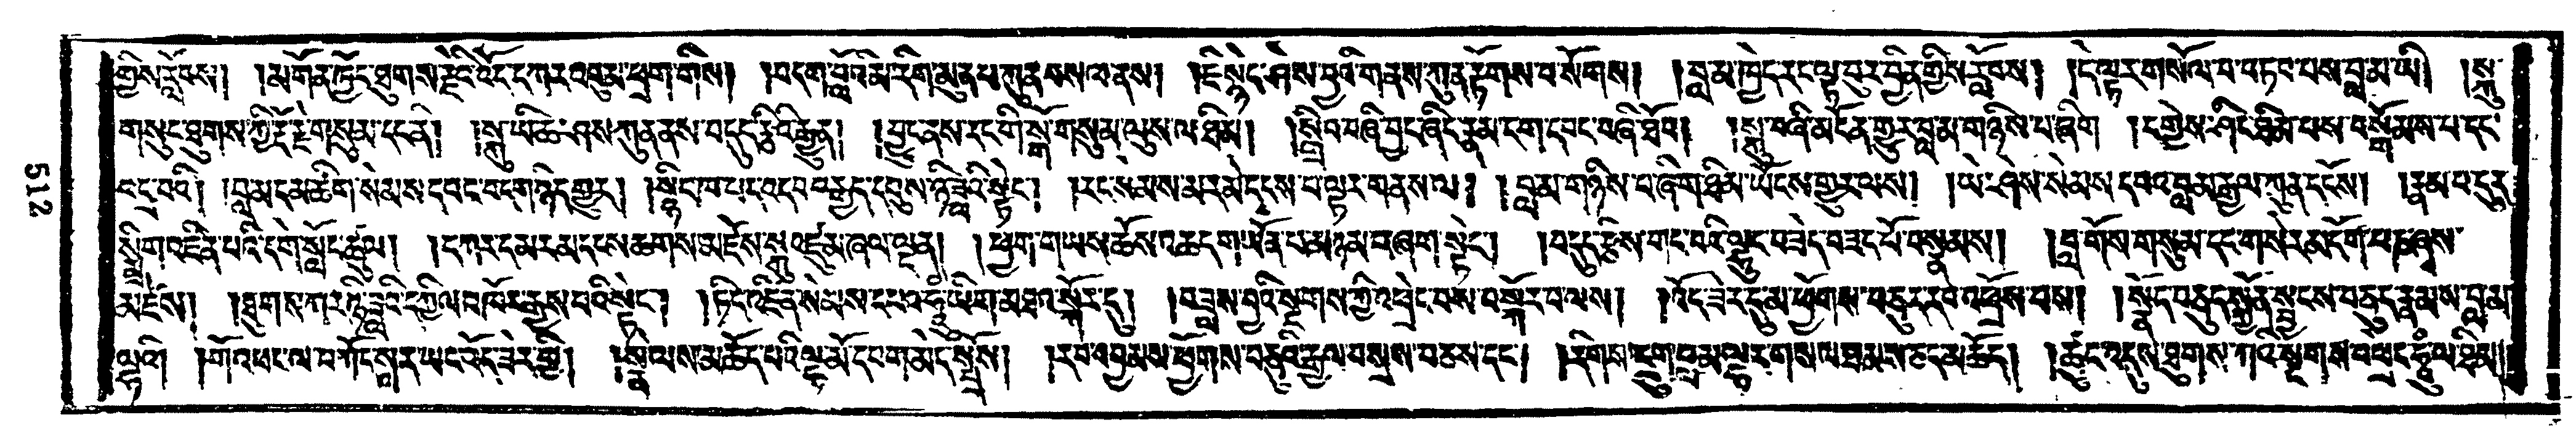གྱིས་རློབས། །མགོན་ཁྱོད་ཐུགས་རྗེའི་འོད་དཀར་འབུམ་ཕྲག་གིས། །བདག་བློའི་མི་རིག་མུན་པ་ཀུན་བསལ་ནས། །ཇི་སྙེད་ཤེས་བྱའི་གནས་ཀུན་རྟོགས་བ་སོགས། །བླ་མ་ཁྱེད་རང་ལྟ་བུར་བྱིན་གྱིས་རློབས། །དེ་ལྟར་གསོལ་བ་བཏབ་པས་བླ་མ་ཡི། །སྐུ་
གསུང་ཐུགས་ཀྱི་རྡོ་རྗེ་གསུམ་དང་ནི། །སྐུ་ཡི་ཆ་ཤས་ཀུན་ནས་བདུད་རྩིའི་རྒྱུན། །བྱུང་ནས་རང་གི་སྒོ་གསུམ་ལུས་ལ་ཐིམ། །སྒྲིབ་བཞི་བྱང་ཞིང་རྣམ་ངག་དབང་བཞི་ཐོབ། །སྐུ་བཞི་མངོན་གྱུར་བླ་མ་གཉིས་པ་ཞིག །དགྱེས་ཤིང་ཐིམ་པས་བསྒོམས་པ་དང་
འདྲ་བའི། །བླ་མ་དམ་ཚིག་སེམས་དབང་བདག་ཉིད་གྱུར། །སྙིང་ཁ་པད་འདབ་བརྒྱད་དབུས་ཉི་ཟླའི་སྟེང་། །རང་སེམས་མར་མེ་དྭངས་པ་ལྟར་གནས་ལ། །བླ་མ་གཉིས་པ་ཞིག་ཐིམ་ཡོངས་གྱུར་ལས། །ཡེ་ཤེས་སེམས་དཔའ་བླ་མ་རྒྱལ་ཀུན་དངོས། །རྣམ་པ་དུར་
སྨྲིག་འཛིན་པའི་དགེ་སློང་ཚུལ། །དཀར་དམར་མདངས་ཆགས་མཛེས་སྐུ་འཛུམ་ཞལ་ལྡན། །ཕྱག་གཡས་ཆོས་འཆད་གཡོན་པ་མཉམ་བཞག་སྟེང་། །བདུད་རྩིས་གང་བའི་ལྷུང་བཟེད་བཟང་པོ་བསྣམས། །བླ་གོས་གསུམ་དང་གསེར་མདོག་པཎ་ཞྭས་
མཛེས། །ཐུགས་ཀར་ཉི་ཟླའི་དཀྱིལ་འཁོར་རྒྱས་པའི་སྟེང་། །ཏིང་འཛིན་སེམས་དཔའ་ཧཱུཾ་ཡིག་མཐའ་སྐོར་དུ། །བཟླས་བྱའི་སྔགས་ཀྱི་འཕྲེང་བས་བསྐོར་བ་ལས། །འོད་ཟེར་དུ་མ་ཕྱོགས་བཅུར་རབ་འཕྲོས་པས། །སྣོད་བཅུད་སྐྱོན་སྦྱངས་བཅུད་རྣམས་བླ་མ་
ལྷའི། །གོ་འཕང་ལ་བཀོད་སླར་ཡང་འོད་ཟེར་གྱི། །སྣེ་ལས་མཆོད་པའི་ལྷ་མོ་དཔག་མེད་སྤྲོས། །རབ་འབྱམས་ཕྱོགས་བཅུའི་རྒྱལ་བསྲས་བཅས་དང་། །རིགས་དྲུག་བླ་མ་ལྷར་གསལ་ཐམས་ཅད་མཆོད། །ཚུང་འདུས་ཐུགས་ཀའི་སྔགས་འཕྲེང་ཧཱུཾ་ལ་ཐིམ།